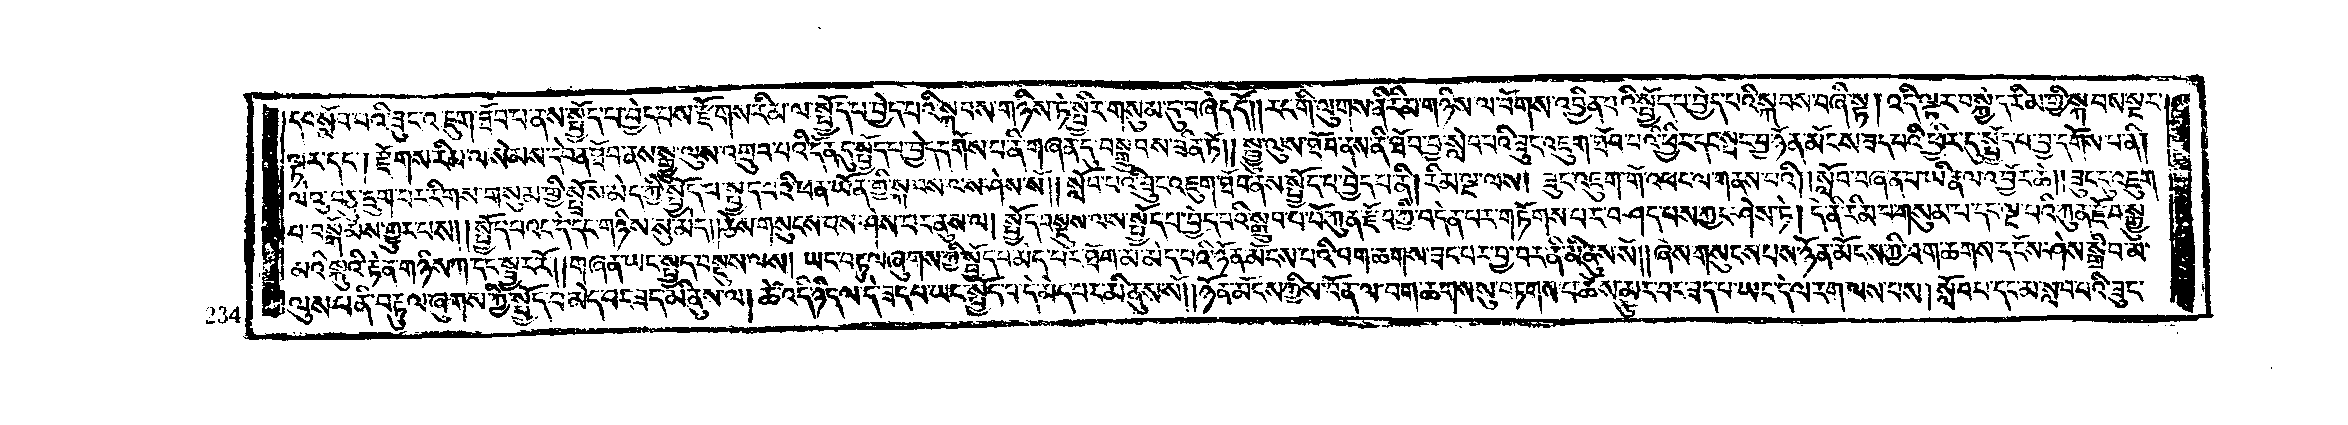དང་སློབ་པའི་ཟུང་འཇུག་ཐོབ་པ་ནས་སྤྱོད་པ་བྱེད་པས་རྫོགས་རིམ་ལ་སྤྱོད་པ་བྱེད་པའི་སྐབས་གཉིས་ཏེ་སྤྱིར་གསུམ་དུ་བཞེད་དོ། །རང་གི་ལུགས་ནི་རིམ་གཉིས་ལ་བོགས་འབྱིན་པའི་སྤྱོད་པ་བྱེད་པའི་སྐབས་བཞི་སྟེ། འདི་ལྟར་བསྐྱེད་རིམ་གྱི་སྐབས་སྔར་
ལྟར་དང་། རྫོགས་རིམ་ལ་སེམས་དབེན་ཐོབ་ནས་སྒྱུ་ལུས་འགྲུབ་པའི་དོན་དུ་སྤྱོད་པ་བྱེད་དགོས་པ་ནི་གཞན་དུ་བསྒྲུབས་ཟིན་ཏོ། །སྒྱུ་ལུས་ཐོབ་ནས་ནི་ཐོབ་བྱ་སློབ་པའི་ཟུང་འཇུག་ཐོབ་པའི་ཕྱིར་དང་སྤང་བྱ་ཉོན་མོངས་ཟད་པའི་ཕྱིར་དུ་སྤྱོད་པ་བྱ་དགོས་པ་ནི།
ལེའུ་བཅུ་དྲུག་པར་རིགས་གསུམ་གྱི་སྤྲོས་མེད་ཀྱི་སྤྱོད་པ་སྤྱད་པའི་ཕན་ཡོན་གྱི་སྐབས་ལས་ཤེས་སོ། །སློབ་པའི་ཟུང་འཇུག་ཐོབ་ནས་སྤྱོད་པ་བྱེད་པ་ནི། རིམ་ལྔ་ལས། ཟུང་འཇུག་གོ་འཕང་ལ་གནས་པའི། །སློབ་བཞིན་པ་ཡི་རྣལ་འབྱོར་ཆེ། །ཟུང་དུ་འཇུག་
པ་བསྒོམས་?་གྱུར་པས། །སྤྱོད་པའང་དེ་དང་གཉིས་སུ་མེད། །ཅེས་གསུངས་པས་ཤེས་པར་ནུས་ལ། སྤྱོད་བསྡུས་ལས་སྤྱོད་པ་བྱེད་པའི་སྒྲུབ་པ་པོ་ཀུན་རྫོབ་ཀྱི་བདེན་པར་གཏོགས་པར་བཤད་པས་ཀྱང་ཤེས་ཏེ། དེ་ནི་རིམ་པ་གསུམ་པ་དང་ལྔ་པའི་ཀུན་རྫོབ་སྒྱུ་
མའི་སྐུའི་རྟེན་གཉིས་ཀ་དང་སྦྱར་རོ། །གཞན་ཡང་སྤྱད་བསྡུས་ལས། ཡང་བརྟུལ་ཞུགས་ཀྱི་སྤྱོད་པ་མེད་པར་ཐོག་མ་མེད་པའི་ཉོན་མོངས་པའི་བག་ཆགས་ཟད་པར་བྱ་བར་ནི་མི་ནུས་སོ། །ཞེས་གསུངས་པས་ཉོན་མོངས་ཀྱི་བག་ཆགས་དངོས་ཤེས་སྒྲིབ་མ་
ལུས་པ་ནི་བརྟུལ་ཞུགས་ཀྱི་སྤྱོད་པ་མེད་པར་ཟད་མི་ནུས་ལ། ཚེ་འདི་ཉིད་ལ་དེ་ཟད་པ་ཡང་སྤྱོད་པ་དེ་མེད་པར་མི་ནུས་སོ། །ཉོན་མོངས་ཀྱི་ས་བོན་ལ་བག་ཆགས་སུ་བཏགས་པ་ཆོས་མྱུར་བར་ཟད་པ་ཡང་དེ་ལ་རག་ལས་པས། སློབ་པ་དང་མི་སློབ་པའི་ཟུང་